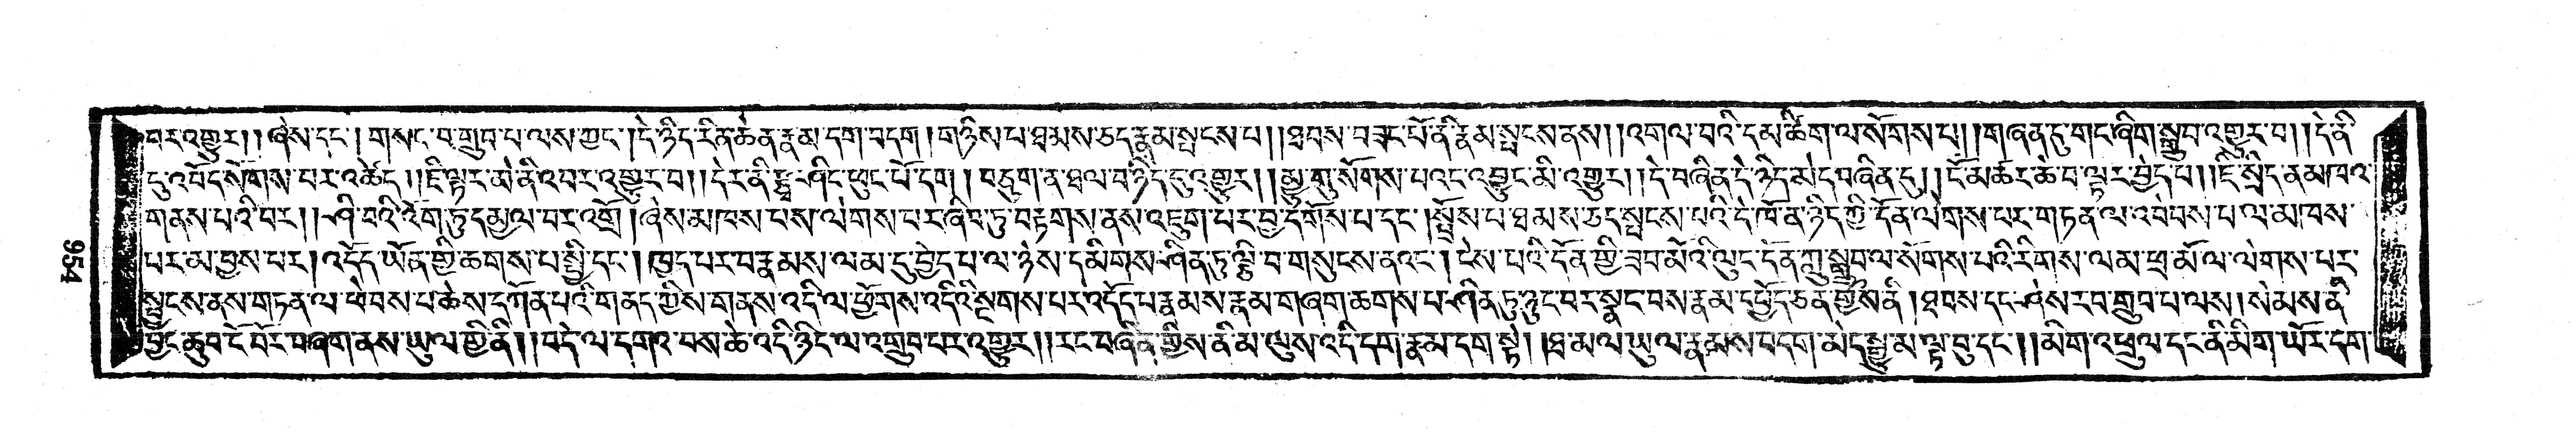བར་འགྱུར། །ཞེས་དང་། གསང་བ་གྲུབ་པ་ལས་ཀྱང་། དེ་ཉིད་རིན་ཆེན་རྣམ་དག་བདག །གཉེས་པ་ཐམས་ཅད་རྣམ་སྤངས་པ། །ཐབས་བཟང་པོ་ནི་རྣམ་སྤངས་ནས། །འགལ་བའི་དམ་ཚིག་ལ་སོགས་པ། །གཞན་དུ་གང་ཞིག་སྒྲུབ་འགྱུར་བ། །དེ་ནི་
དུ་འབོད་སོགས་པར་འཚེད། །ཇི་ལྟར་མེ་ནི་འབར་འགྱུར་བ། །དེར་ནི་རྩྭ་ཤིང་ཕུང་པོ་དག །བཅུག་ན་ཐལ་བ་ཉིད་དུ་འགྱུར། །མྱུ་གུ་སགས་པའང་འབྱུང་མི་འགྱུར། །དེ་བཞིན་དེ་ཉིད་མེད་བཞིན་དུ། །ངོ་མཚར་ཆེ་བ་ལྟར་བྱེད་པ། །ཇི་སྲིད་ནམ་མཁའ་
གནས་པའི་བར། །ཤི་བའི་འོག་ཏུ་དམྱལ་བར་འགྲོ་།ཞེས་མཁས་པས་ལེགས་པར་ཞིབ་ཏུ་བརྟགས་ནས་འཇུག་པར་བྱ་དགོས་པ་དང་། སྤྲོས་པ་ཐམས་ཅད་སྤངས་པའི་དེ་ཁོ་ན་ཉིད་ཀྱི་དོན་ལེགས་པར་གཏན་ལ་འབེབས་པ་ལ་མཁས་
པར་མ་བྱས་པར། འདོད་ཡོན་གྱི་ཆགས་པ་སྤྱི་དང་། ཁྱད་པར་བ་རྣམས་ལམ་དུ་བྱེད་པ་ལ་ཉེས་དམིགས་ཤིན་ཏུ་ལྕི་བ་གསུངས་ནའང་། ངེས་པའི་དོན་གྱི་ཟབ་མོའི་ལུང་དོན་ཀླུ་སྒྲུབ་ལ་སོགས་པའི་རིགས་ལམ་ཕྲ་མོ་ལ་ལེགས་པར་
སྦྱངས་ནས་གཏན་ལ་ཕེབས་པ་ཆེས་དཀོན་པའི་གནད་ཀྱིས་གནས་འདི་ལ་ཕྱོགས་འདིའི་སྔགས་པར་འདོད་པ་རྣམས་རྣམ་གཞག་ཆགས་པ་ཤིན་ཏུ་ཉུང་བར་སྣང་བས་རྣམ་དཔྱོད་ཅན་གྱིས་ནི། ཐབས་དང་ཤེས་རབ་གྲུབ་པ་ལས། སེམས་ནི་
བྱང་ཆུབ་ངོ་བོར་བཞག་ནས་ཡུལ་གྱི་ནི། །བདེ་ལ་དགའ་བས་ཆེ་འདི་ཉིད་ལ་འགྲུབ་པར་འགྱུར། །རང་བཞིན་གྱིས་ནི་མ་ལུས་འདི་དག་རྣམ་དག་སྟེ། །ཐ་མལ་ཡུལ་རྣམས་བདག་མེད་སྒྱུ་མ་ལྟ་བུ་དང་། །མིག་འཕྲུལ་དང་ནི་མིག་ཡོར་དག་